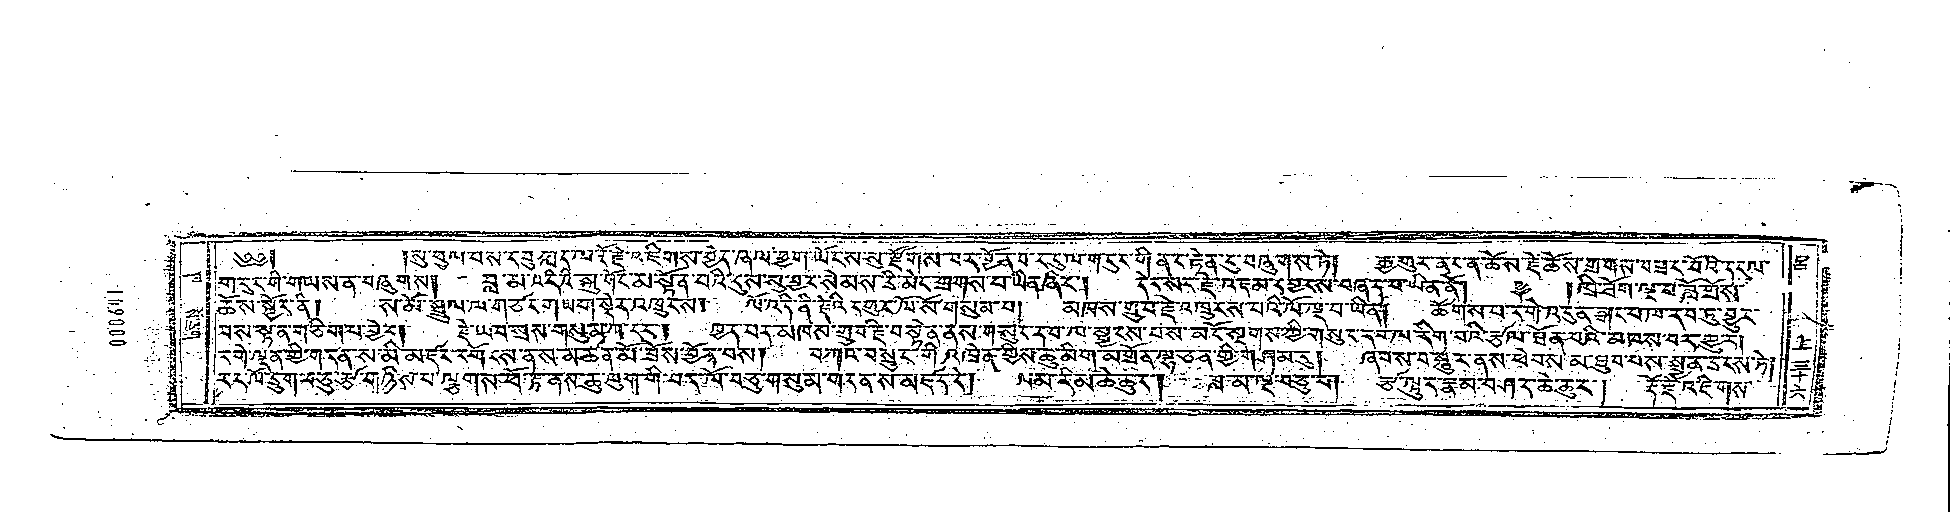༄༅། །སུ་ཕུལ་བས་དབུ་ཀླད་ལ་རྡོ་རྗེ་འཇིགས་བྱེད་ཞལ་ཕྱག་ཡོངས་སུ་རྫོགས་པར་བྱོན་བ་དངུལ་གདུང་གི་ནང་རྟེན་དུ་བཞུགས་ཏེ། རྒྱ་ཕུར་ནང་ན་ཆོས་རྗེ་ཆོས་གྲགས་བཟང་པོའི་དངུལ་
གདུང་གི་གཡས་ན་བཞུགས། བླ་མ་འདིའི་སྐུ་གོང་མ་སྟོན་པའི་དུས་སུ་བྱང་སེམས་དྲི་མེད་གྲགས་བ་ཡིན་ཞིང་། དེང་སང་རྗེ་འཇམ་དབྱངས་བཞད་པ་ཡིན་ནོ། ༈ །ཁྲི་ཐོག་ལྔ་པ་བློ་གྲོས་
ཆོས་སྐྱོང་ནི། ས་མོ་སྦྲུལ་ལ་གཙང་གཡག་སྡེར་འཁྲུངས། ལོ་འདི་ནི་རྗེའི་དགུང་ལོ་སོ་གསུམ་པ། མཁས་གྲུབ་རྗེ་འཁྲུངས་པའི་ལོ་ལྔ་པ་ཡིན། ཚོགས་པ་དགེ་འདུན་སྒང་པ་ལ་རབ་ཏུ་བྱུང་
བས་སྟན་གཅིག་པ་བྱེད། རྗེ་ཡབ་སྲས་གསུམ་ཀ་དང་། ཁྱད་པར་མཁས་གྲུབ་རྗེ་བསྟེན་ནས་གསུང་རབ་ལ་སྦྱངས་པས་མདོ་སྔགས་ཀྱི་གསུང་རབ་ལ་རིག་བའི་རྩལ་ཐོན་པའི་མཁས་པར་གྱུར།
དགེ་ལྡན་གྱི་གདན་ས་མི་མཛད་དགོངས་ནས་མཚན་མོ་བྲོས་བྱོན་པས། བཀའ་བསྲུང་གི་འཁྲོན་གྱིས་ཆུ་མིག་མགྲོན་ལྷ་ཅན་གྱི་གཤམ་དུ། ཞབས་བསྙུར་ནས་ཕེབས་མ་ཐུབ་པས་སྤྱན་དྲངས་ཏེ།
རང་ལོ་དྲུག་བཅུ་རྩ་གཉིས་པ་ལྕགས་ཕོ་རྟ་ནས་ཆུ་ལུག་གི་བར་ལོ་བཅུ་གསུམ་གདན་ས་མཛད་དེ། ལམ་རིམ་ཆེ་ཆུང་། བླ་མ་ལྔ་བཅུ་པ། རྩ་ལྟུང་རྣམ་བཤད་ཆེ་ཆུང་། རྡོ་རྗེ་འཇིགས་